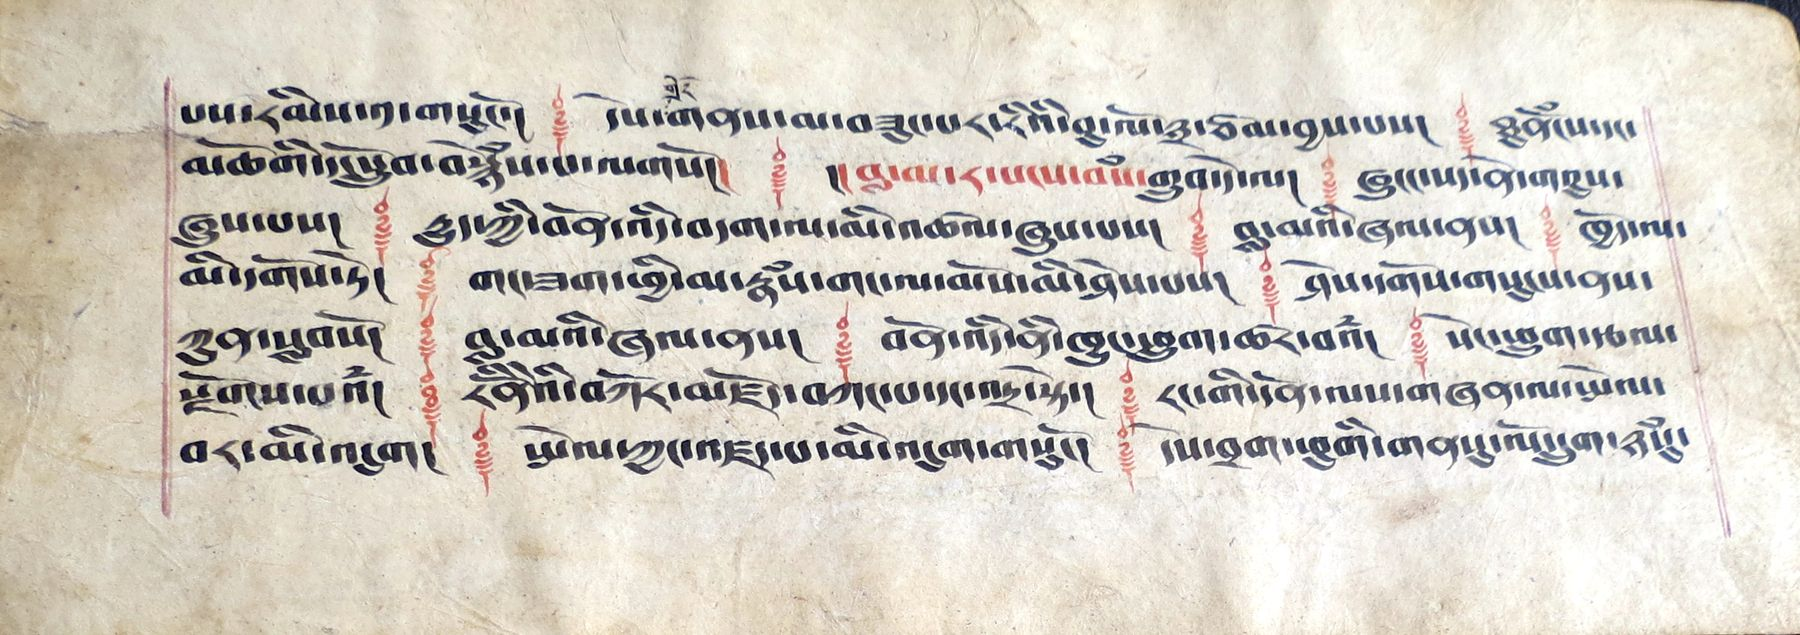པས་རེམས་ཤིག་གསུངས་སོ། ། དེས་གནས་མ་བཟུང་པར་རིའི་བུ་ལོ་གསུམ་ཙམ་བྱས་པས། ཐུན་མོང་དང་
མཆོག་གི་དངོས་གྲུབ་བསྙེམས་པ་ལགས་སོ། ། བླ་མ་ར་སངས་བསམ་གྲུབ་དེ་ལ། ཞང་ཞུང་སད་ནེ་གའུས་
ཞུས་པས། རྒྱུད་ཀྱི་བོན་འདི་བདག་ལ་མི་འཚལ་ཞུས་པས། བླ་མའི་ཞལ་ནས། ཁྱོད་ལ་
མི་དགོས་ཏེ། གང་ཟག་ཕྱི་མ་རྣམས་གང་ལ་མོས་མི་ཤེས་པས། ཤེས་དགོས་གསུང་ནས་
ཀུན་བསླབས་སོ། ། བླ་མའི་ཞལ་ནས། བོན་འདི་ནི་ཁྱུང་ཕྲུག་ཚར་བའམ། སེང་ཕྲུག་རྩལ་
རྫོགས་པའམ། རིན་པོ་ཆེའི་དཀོར་མཛོད་བཀང་པ་དང་འདྲ་སྟེ། རང་གི་དོན་ལས་གཞན་ལ་སྤེལ་
བར་མི་འདུག སྤེལ་ཀྱང་འཛད་པར་མི་འདུག་གསུངས་སོ། ། དེས་བྲག་ཕུག་གི་གནས་སུ་ལོ་དྲུག་ཉམས་སུ་